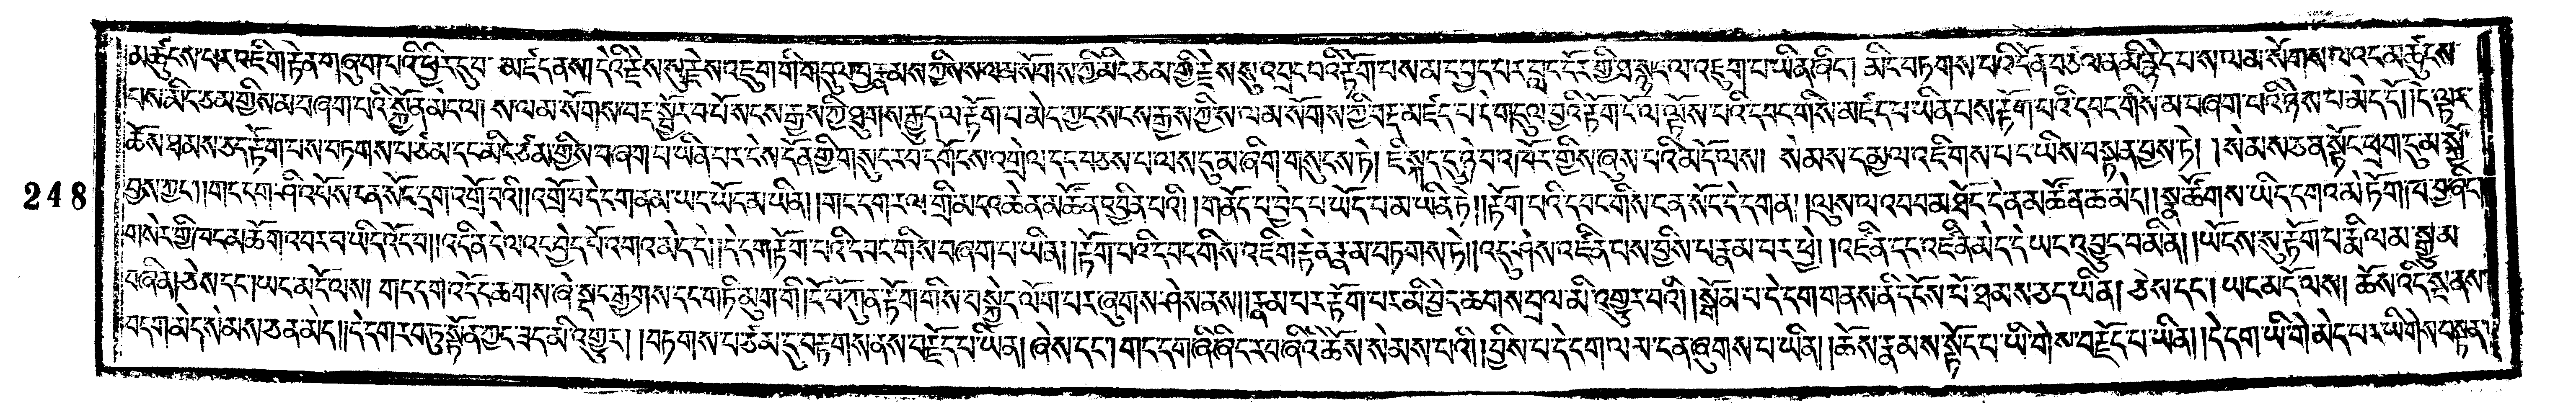མཚུངས་པར་འཇིག་རྟེན་གཞུག་པའི་ཕྱིར་དུ་བ་བྫད་ནས། དེའི་རྗེས་སུ་རྗེས་འཇུག་གི་གདུལ་བྱ་རྣམས་ཀྱིས་ས་ལམ་སོགས་ཀྱི་མིང་ཅམ་གྱི་རྗེས་སུ་འབྲང་བའི་རྟོག་པས་མ་དཔྱད་པར་བླང་དོར་གྱི་ཐ་སྙད་ལ་འཇུག་པ་ཡིན་ཞིང་། མིང་བཏགས་པའི་དོན་བཙལ་ན་མི་རྙེད་པ་ས་ལམ་སོགས་ལའང་མཚུངས་
པས་མིང་ཅམ་གྱིས་མ་བཞག་པའི་སྐྱོན་མེད་ལ། ས་ལམ་སོགས་བརྡ་སྦྱོར་བ་པོ་སངས་རྒྱས་ཀྱི་ཐུགས་རྒྱུད་ལ་རྟོག་པ་མེད་ཀྱང་སངས་རྒྱས་ཀྱི་ས་ལམ་སོགས་ཀྱི་བརྡ་མཛད་པ་དེ་གདུལ་བྱའི་རྟོག་ངོ་ལ་ལྟོས་པའི་དབང་གིས་མཛད་པ་ཡིན་པས་རྟོག་པའི་དབང་གིས་མ་བཞག་པའི་ཉེས་པ་མེད་དོ། །དེ་ལྟར་
ཆོས་ཐམས་ཅད་རྟོག་པས་བཏགས་པ་ཙམ་དང་མི་མིང་ཙམ་གྱིས་བཞག་པ་ཡིན་པར་ངེས་དོན་གྱི་གསུང་རབ་དགོངས་འགྲེལ་དང་བཅས་པ་ལས་དུ་མ་ཞིག་གསུངས་ཏེ། ཇི་སྐད་དུ་ཉེ་བ་འཁོར་གྱིས་ཞུས་པའི་མདོ་ལས། སེམས་དམྱལ་འཇིགས་པར་ཡིས་བསྟན་བྱས་ཏེ། །སེམས་ཅན་སྟོང་ཕྲག་དུ་མ་སྐྱོ་
བྱས་ཀྱང་། གང་དག་ཤི་འབོས་ངན་སོང་དྲག་འགྲོ་བའི། །འགྲོ་བ་དེ་དག་ནམ་ཡང་ཡོད་མ་ཡིན། །གང་དག་རལ་གྲི་མངའ་ཆེན་མཚོན་འབྱིན་པའི། །གནོད་པ་བྱེད་པ་ཡོད་པ་མ་ཡིན་ཏེ། །རྟོག་པའི་དབང་གིས་ངན་སོང་དེ་དག་ན། །ལུས་ལ་འབབ་མཐོང་དེ་ན་མཚོན་ཆ་མེད། །སྣ་ཚོགས་ཡིད་དགའ་མེ་ཏོག་ཁ་བྱ་ཞིང་
གསེར་གྱི་ཁང་མཆོག་འབར་བ་ཡིད་འོང་ག། འདི་ན་དེ་ལའང་བྱེད་པོ་འགའ་མེད་དེ། །དེ་དག་རྟོག་པའི་དབང་གིས་བཞག་པ་ཡིན། །རྟོག་པའི་དབང་གིས་འཇིག་རྟེན་རྣམ་བཏགས་ཏེ། །འདུ་ཤེས་འཛིན་པས་བྱིས་པ་རྣམ་པར་ཕྱེ། །འཛིན་དང་འཛིན་མེད་དེ་ཡང་འབྱུང་བ་མིན། །ཡོངས་སུ་རྟོག་པ་རྨི་ལམ་སྒྱུ་མ་
བཞིན། ཅེས་དང་། ཡང་མདོ་ལས། གང་དག་འདོད་ཆགས་ཞེ་སྡང་རྒྱགས་དང་གཏི་མུག་གི །ངོ་བོ་ཀུན་རྟོག་གིས་བསྐྱེད་ལོག་པར་ཞུགས་ཤེས་ནས། །རྣམ་པར་རྟོག་པར་མི་བྱེད་ཆགས་བྲལ་མི་འགྱུར་བའི། །སྒོམ་པ་དེ་དག་གནས་ནི་དངོས་པོ་ཐམས་ཅད་ཡིན། ཅེས་དང་། ཡང་མདོ་ལས། ཆོས་འདི་སྔ་ནས་
བདག་མེད་སེམས་ཅན་མེད། །དེ་དག་རབ་ཏུ་སྟོན་ཀྱང་ཟད་མི་འགྱུར། །བཏགས་པ་ཙམ་དུ་བརྟགས་ནས་བརྗོད་པ་ཡིན། ཞེས་དང་། གང་དག་ཞི་ཞིང་རབ་ཞིའི་ཆོས་སེམས་པའི། །བྱིས་པ་དེ་དག་ལམ་ངན་ཞུགས་པ་ཡིན། །ཆོས་རྣམས་སྟོང་པ་ཡི་གེས་བརྗོད་པ་ཡིན། །དེ་དག་ཡི་གེ་མེད་པར་ཡི་གེས་བསྟན།